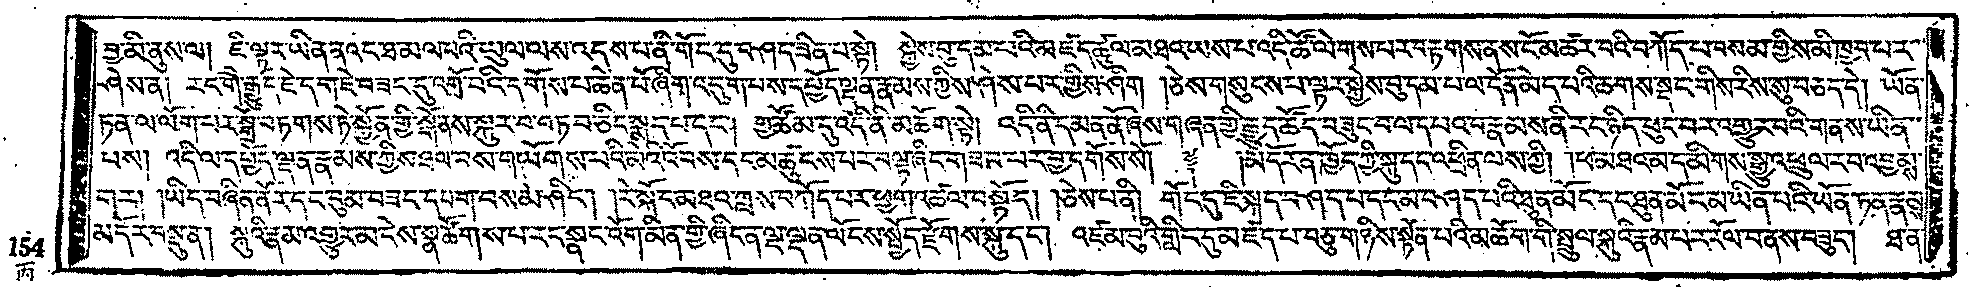བྱ་མི་ནུས་ལ། ཇི་ལྟར་ཡིན་ནའང་ཐ་མལ་པའི་ཡུལ་ལས་འདས་པ་ནི་གོང་དུ་བཤད་ཟིན་པ་སྟེ། སྐྱེས་བུ་དམ་པའི་མཛད་ཚུལ་མཐའ་ཡས་པ་འདི་ཚོ་ལེགས་པར་བརྟགས་ནས་ངོ་མཚར་བའི་བཀོད་པ་བསམ་གྱིས་མི་ཁྱབ་པར་
ཤེས་ན། རང་གི་རྒྱུད་ཇེ་དག་ཇེ་བཟང་དུ་འགྲོ་བའི་དགོས་པ་ཆེན་པོ་ཞིག་འདུག་པས་དཔྱོད་ལྡན་རྣམས་ཀྱིས་ཤེས་པར་གྱིས་ཤིག །ཅེས་གསུངས་པ་ལྟར་སྐྱེས་བུ་དམ་པ་ལ་དོན་མེད་པའི་ཆགས་སྡང་གིས་རིས་སུ་བཅད་དེ། ཡོན་
ཏན་ལ་ལོག་པར་སྒྲོ་བཏགས་ཏེ་སྐྱོན་གྱི་སྒོ་ནས་སྐུར་བ་བཏབ་ཅིང་སྨད་པ་དང་། གྱ་ཚོམ་དུ་འདི་ནི་མཆོག་སྟེ། འདི་ནི་དམན་ནོ་ཞེས་གཞན་གྱི་རྒྱུད་ཚོད་བཟུང་བ་ལ་དཔའ་བ་རྣམས་ནི་རང་ཉིད་ཕུང་བར་འགྱུར་བའི་གནས་ཡིན་
པས། འདི་ལ་དཔྱོད་ལྡན་རྣམས་ཀྱིས་ཐལ་བས་གཡོགས་པའི་མེའི་འོབས་དང་མཚུངས་པར་བལྟ་ཞིང་གཟབ་པར་བྱ་དགོས་སོ། ༈ །མདོར་ན་ཁྱོད་ཀྱི་སྐུ་དང་འཕྲིན་ལས་ཀྱི། །ཕ་མཐའ་མ་དམིགས་སྒྱུ་འཕྲུལ་རབ་འབྱམས་
གར། །ཡིད་བཞིན་ནོར་དང་བུམ་བཟང་དཔག་བསམ་ཤིང་། །རེ་སྐོང་མཐའ་ཀླས་བཀོད་པར་ཕྱག་འཚལ་བསྟོད། །ཅེས་པ་ནི། གོང་དུ་ཇི་སྐད་བཤད་པ་དང་མ་བཤད་པའི་ཐུན་མོང་དང་ཐུན་མོང་མ་ཡིན་པའི་ཡོན་ཏན་རྣམས་
མདོར་བསྡུ་ན། སྐུའི་རྣམ་འགྱུར་མ་ངེས་སྣ་ཚོགས་པ་རང་སྣང་འོག་མིན་གྱི་ཞིང་ན་ལྔ་ལྡན་ལོངས་སྤྱོད་རྫོགས་སྐུ་དང་། འཛམ་བུའི་གླིང་དུ་མཛད་པ་བཅུ་གཉིས་སྟོན་པའི་མཆོག་གི་སྤྲུལ་སྐུའི་རྣམ་པར་རོལ་བ་ནས་བཟུང་། ཐ་ན་